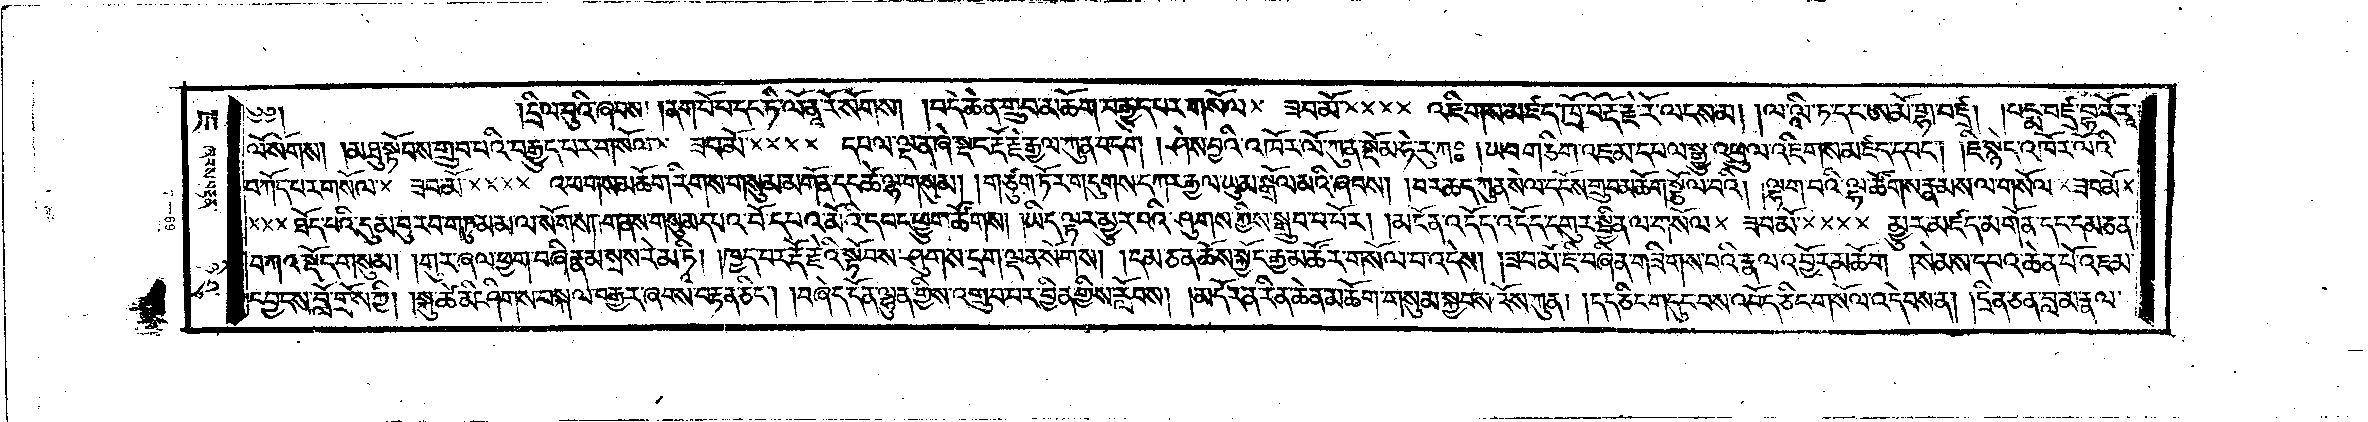༄༅། །དྲིལ་བུའི་ཞབས། །ནག་པོ་པ་དང་ཏཻ་ལོ་ནཱ་རོ་སོགས། །བདེ་ཆེན་གྲུབ་མཆོག་བརྒྱུད་པར་གསོལ་྾་ཟབ་མོ་྾་྾་྾་འཇིགས་མཛད་ཁྲོ་བོ་རྡོ་རྗེ་རོ་ལངས་མ། །ལཱ་ལི་ཏཱ་དང་ཨ་མོ་གྷ་བཛྲ། །པདམ་བཛྲ་བྷ་རོ་རྭ་
ལོ་སོགས། །མཐུ་སྟོབས་གྲུབ་པའི་བརྒྱུད་པར་གསོལ་྾་ཟབ་མོ་྾་྾་྾་དཔལ་ལྡན་ཞེ་སྡང་རྡོ་རྗེ་རྒྱལ་ཀུན་བདག །ཤེས་བྱའི་འཁོར་ལོ་ཀུན་སྡོམ་ཧེ་རུ་ཀཿ །ཡབ་གཅིག་འཇམ་དཔལ་སྒྱུ་འཕྲུལ་འཇིགས་མཛད་དབང་། །ཇི་སྙེད་འཁོར་ལོའི་
བཀོད་པར་གསོལ་྾་ཟབ་མོ་྾་྾་྾་འཕགས་མཆོག་རིགས་གསུམ་མགོན་དང་ཚེ་ལྷ་གསུམ། །གཙུག་ཏོར་གདུགས་དཀར་རྒྱལ་ཡུམ་སྒྲོལ་མའི་ཞབས། །བར་ཆད་ཀུན་སེལ་དངོས་གྲུབ་མཆོག་སྩོལ་བའི། །ལྷག་པའི་ལྷ་ཚོགས་རྣམས་ལ་གསོལ་྾་ཟབ་མོ་྾་
྾྾྾་ཐོད་པའི་དུམ་བུ་རབ་གཏུམ་མ་ལ་སོགས། །གནས་གསུམ་དཔའ་བོ་དཔའ་མོའི་དབང་ཕྱུག་ཚོགས། །ཡིད་ལྟར་མྱུར་བའི་ཤུགས་ཀྱིས་སྒྲུབ་པ་པོར། །མངོན་འདོད་འདོད་དགུར་སྦྱིན་ལ་གསོལ་྾་ཟབ་མོ་྾་྾་྾་མྱུར་མཛད་མགོན་དང་དམ་ཅན་
བཀའ་སྡོང་གསུམ། །གུར་ཞལ་ཕྱག་བཞི་རྣམ་སྲས་རེ་མ་ཏི། །ཁྱད་པར་རྡོ་རྗེའི་སྟོབས་ཤུགས་དྲག་ལྡན་སོགས། །དམ་ཅན་ཆོས་སྐྱོང་རྒྱ་མཚོར་གསོལ་བ་འདེས། །ཟབ་མོ་ཇི་བཞིན་གཟིགས་པའི་རྣལ་འབྱོར་མཆོག །སེམས་དཔའ་ཆེན་པོ་འཇམ་
དབྱངས་བློ་གྲོས་ཀྱི། །སྐུ་ཚེ་མི་ཤིགས་བསྐལ་བརྒྱར་ཞབས་བརྟན་ཅིང་། །བཞེད་དོན་ལྷུན་གྱིས་འགྲུབ་པར་བྱིན་གྱིས་རློབས། །མདོར་ན་རིན་ཆེན་མཆོག་གསུམ་སྐྱབས་འོས་ཀུན། །དད་ཅིང་གདུང་བས་འབོད་ཅིང་གསོལ་འདེབས་ན། །དྲིན་ཅན་བླ་མ་རྣལ་